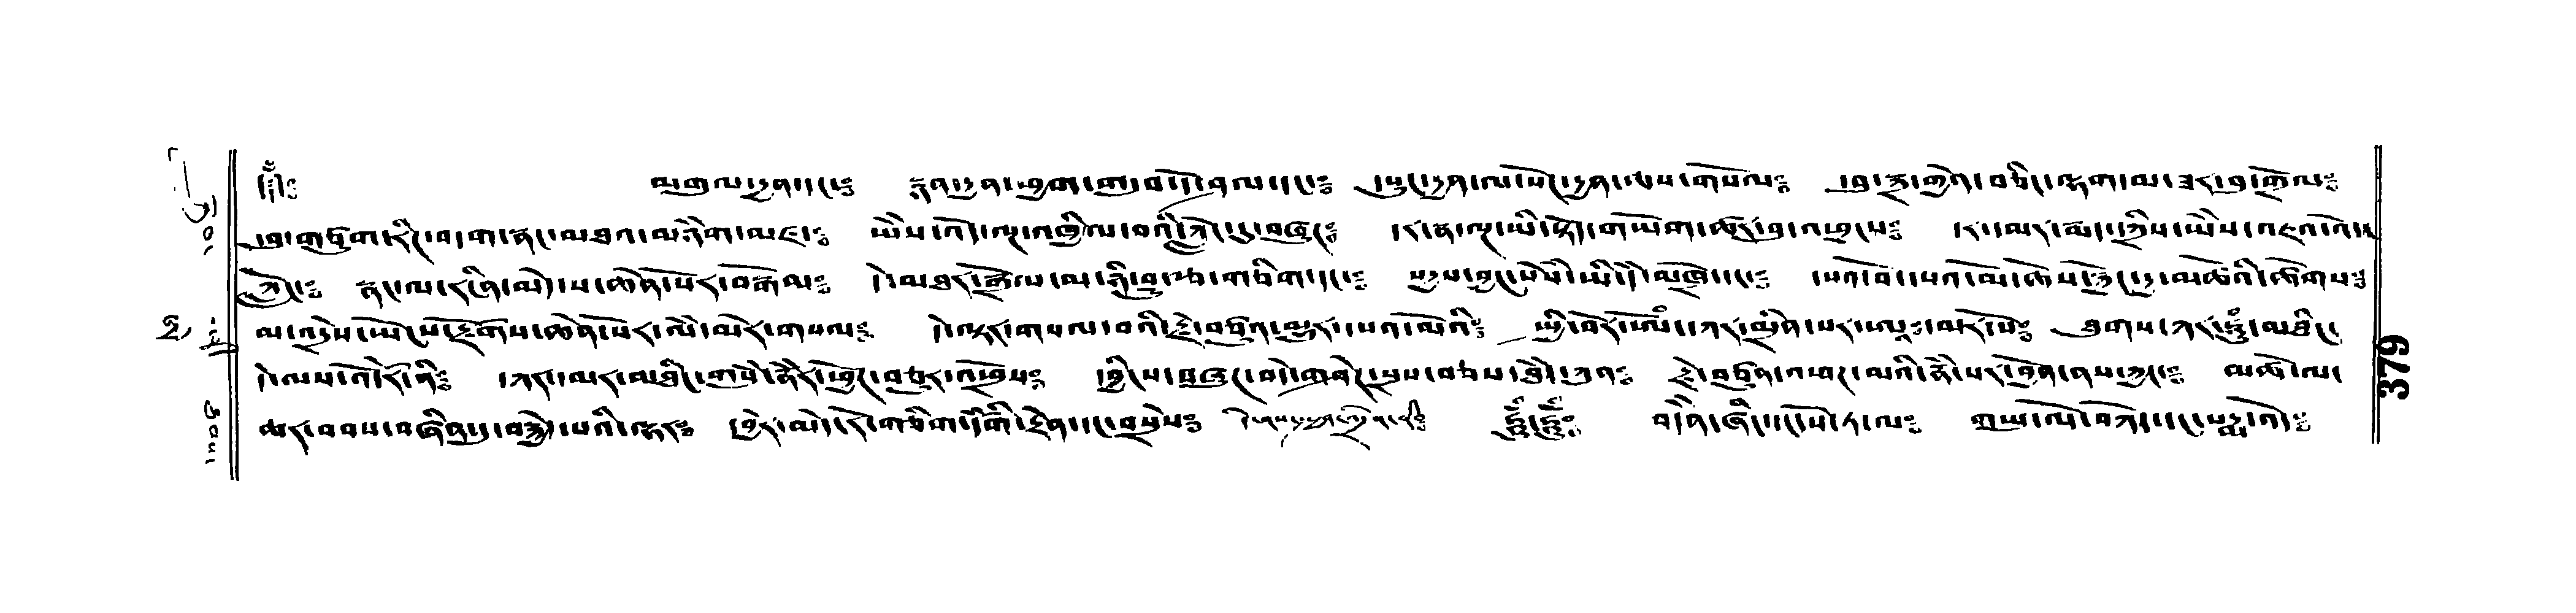མགུལ་རྒྱན་དང༔ སྙན་རྒྱན་ཕྱག་གདུབ་དོ་ཤལ་དང༔ དཔུང་རྒྱན་ལ་སོགས་རྒྱན་ཆས་གསོལ༔ དབུ་སྐྲ་གྱེན་བཅིངས་ལྷག་མ་ཟར་བུ་གྲོལ༔ 
དབུ་གཙུག་རིགས་བདག་སྣང་མཐའ་མཉམ་གཞག་མཛད༔ ཡེ་ཤེས་འོད་ལྔ་འཁྱིལ་བའི་ཀློང་དུ་བཞུགས༔ དར་སྣ་ལྔ་ཡི་སྟོད་གཡོགས་ཚར་བུ་འཕྱང༔ དར་དམར་སྨད་དཀྲིས་ཡེ་ཤེས་འཇའ་འོད་
ཀློང༔ སྣང་ལ་རང་བཞིན་མེད་པ་ཆེན་པོར་བསྒོམ༔ དེ་མཐར་སྒྲོལ་མ་ཉི་ཤུ་རྩ་གཅིག་དང༔ སངས་རྒྱས་བྱང་སེམས་ཡི་དམ་མཁའ་འགྲོ་དང༔ དཔའ་བོ་དཔའ་མོ་ཆོས་སྐྱོང་རྒྱ་མཚོའི་ཚོགས༔ 
མ་འདྲེས་ཡོངས་རྫོགས་ཆེན་པོར་ལམ་མེར་གསལ༔ དེ་ལྟར་གསལ་བའི་རྗེ་བཙུན་མྱུར་དཔའ་མོའི༔ སྤྱི་བོར་ཨོཾ་དཀར་མགྲིན་པར་ཨཱཿདམར་པོ༔ ཐུགས་ཀར་ཧཱུྃ་མཐིང་
དེ་ལས་འོད་ཟེར་ནི༔ དཀར་དམར་མཐིང་གསུམ་རྣམ་པར་ཕྱོགས་བཅུར་འཕྲོས༔ དབྱིངས་བཞུགས་བདེ་གཤེགས་སྲས་བཅས་ཐམས་ཅད་ཀུན༔ རྗེ་བཙུན་འཕགས་མའི་རྣམ་པར་བྱོན་ནས་ཀྱང༔ མཚོ་ལ་
ཆར་བབས་བཞིན་དུ་བསྐྱེད་པའི་ལྷར༔ དབྱེར་མེད་རོ་གཅིག་དམ་ཚིག་རྟེན་དང་བསྲེས༔ དེ་ནས་སྤྱན་འདྲེན་ནི༔ ཧཱུྃ་ཧཱུྃ༔ བདེ་ཆེན་ཞིང་དང་པོ་ཏ་ལ༔ གཡུ་ལོ་བཀོད་དང་པདྨ་འོད༔